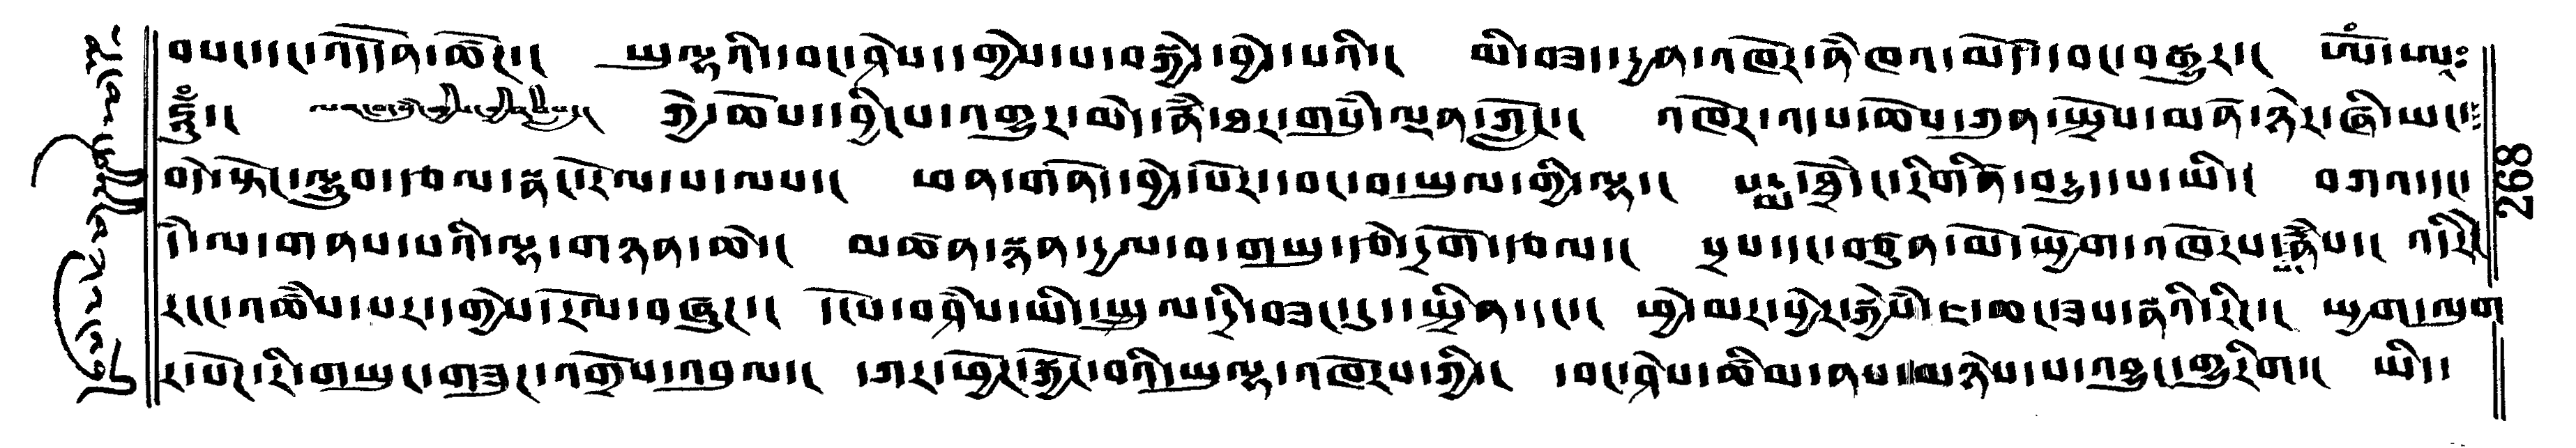བསང་དང་འདོད་ཡོན་ཚོགས། །ཡུལ་ལྷའི་དབང་ཤེས་དགྱེས་པ་བསྐྱེད་བྱེད་པའི། །མི་བཟད་རྒྱན་འཁོར་ནམ་མཁའ་མཛོད་དབང་བསྒྱུར། །ཨོཾ་ཨཱཿ
ཧཱུྃ། ལན་གསུམ་གྱིས་བྱིན་གྱིས་རླབ། ཀྱཻ། ཆོས་དབྱིངས་འགྱུར་མེད་རྣམ་ཐར་གསུམ་ལྡན་ཀློང་། །འཁོར་འདས་ཆོས་ཀུན་སྤྲོས་མཚན་ཉེར་ཞི་ཡང་། །
བདེ་སྟོང་ལྷུན་གྲུབ་རྩལ་སྣང་རོལ་པ་ལས། །ཕན་གནོད་བྱེད་པོར་དབང་བ་ཡུལ་གྱི་ལྷ། །པདྨ་ཐོད་ཕྲེང་རིག་འཛིན་བརྒྱུད་པ་ཡི། །བཀའ་དང་
དམ་ལ་གནས་པའི་ལྷ་གཉན་ཆེ། །མཚན་སྙན་རྒྱལ་བ་གཡུ་རྩེ་དྲག་པོ་རྩལ། །སྲས་དང་བཙུན་མོ་གཡོག་འཁོར་བཅས་པ་རྣམས། །འདིར་གཤེགས་རང་
རང་འཚམས་པར་དགྱེས་རོལ་བཞུགས། །དངོས་བཤམས་ཡིད་སྤྲུལ་དྲི་བཟང་དུད་སྤྲིན་དང་། །ཕྱེ་མར་སེར་སྐྱེམས་ཇ་ཆང་ཟས་སྣའི་རིགས། །གཡག་ལུག་
ར་སོགས་རི་གཡུང་གཟུགས་འགྲོས་འབུལ། །དཀར་ཕྱོགས་སྐྱོང་བའི་ཡུལ་ལྷ་འཁོར་བཅས་ཀྱི། །དབང་ཤེས་ཚིམ་ནས་མཉེས་པ་འབྱུང་གྱུར་ཅིག །ཡིད་